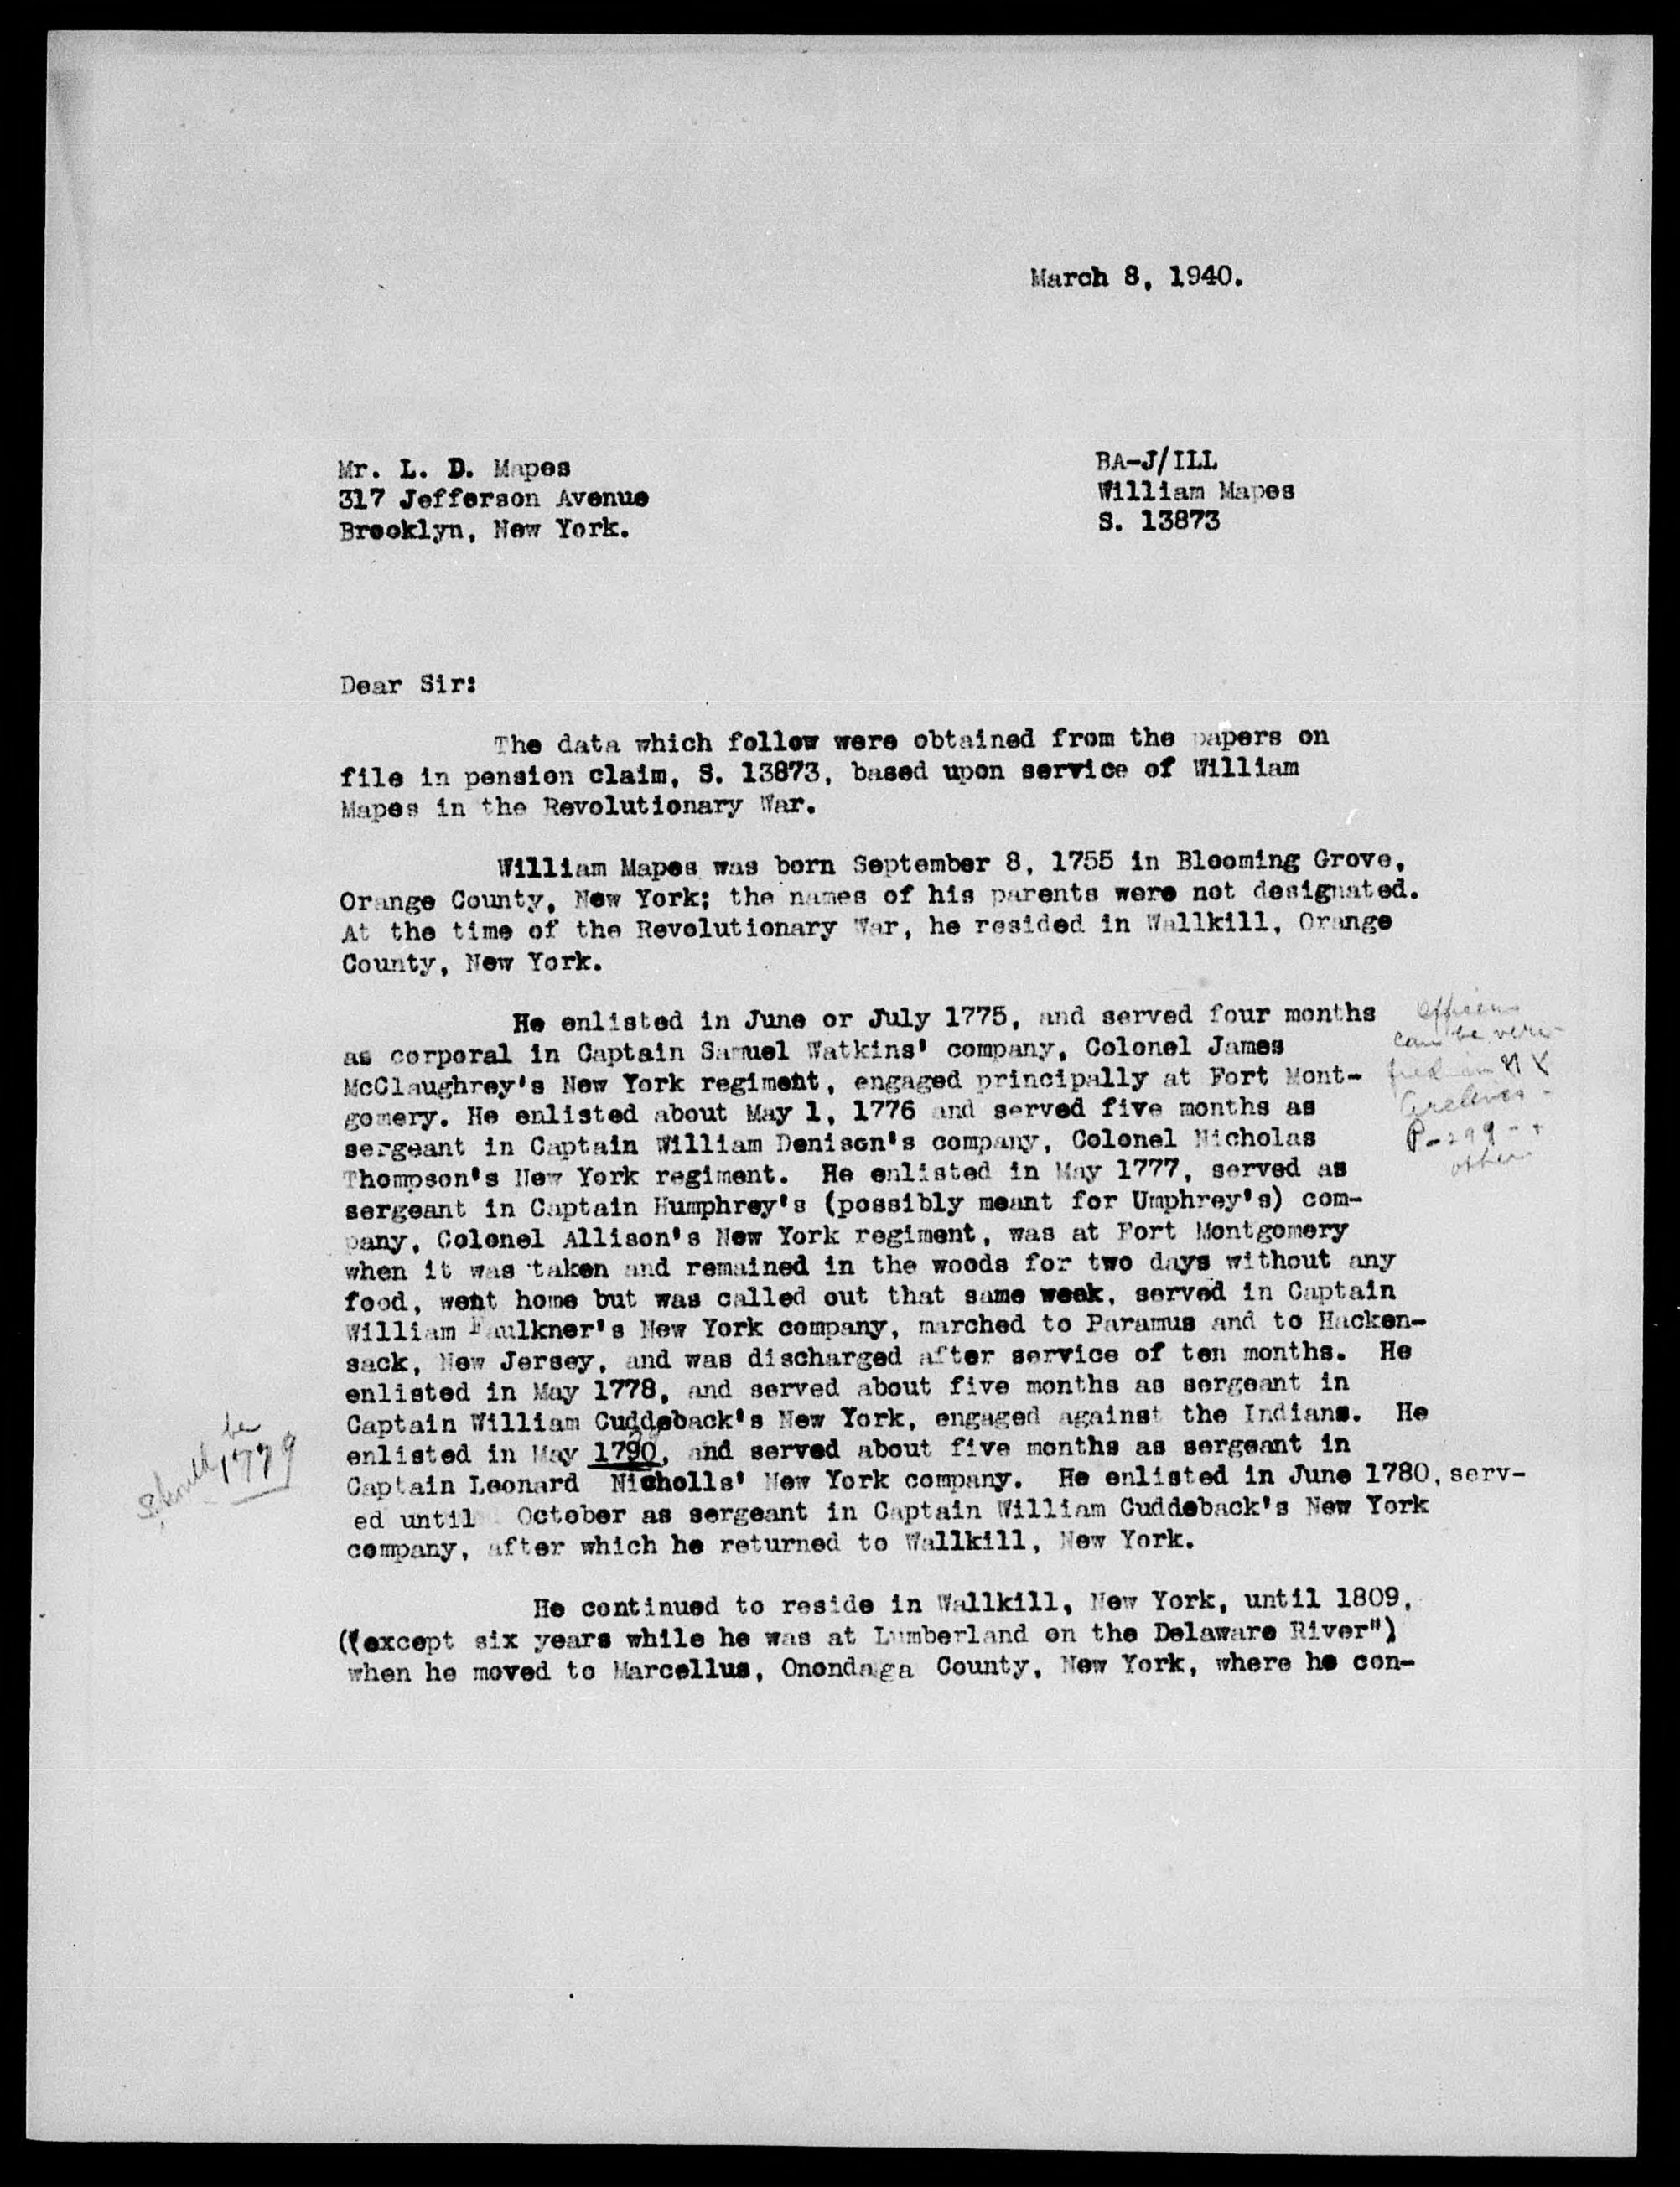March 8, 1940

BA-J/ILL 
William Mapes 
S. 13873

Mr. L. D. Mapes 
317 Jefferson Avenue 
Brooklyn, New York. 

Dear Sir: 

The data which follow were obtained from the papers on file in pension claim, S. 13873, based upon service of William Mapes in the Revolutionary War. 

William Mapes was born September 8, 1755 in Blooming Grove, Orange County, New York; the names of his parents were not designated. At the time of the Revolutionary War, he resided in Wallkill, Orange County, New York. 

(Notation- officer can be verified in NY Archives P-299- & other)

He enlisted in June or July 1775, and served four months in as corporal in Captain Samuel Watkins' company, Colonel James McClaughrey's New York regiment, engaged principally at Fort Montgomery. He enlisted about May 1, 1776 and served five months as sergeant  in Captain William Denison's company, Colonel Nicholas Thompson's New York regiment. He enlisted in May 1777, served as the sergeant in Captain Humphrey's (possibly meant for Umphrey's) company, Colonel Allison's New York regiment, was at Fort Montgomery when it was taken and remained in the woods for two days without any food, went home but was called out that same week, served in Captain William Faulkner's New York company, marched to Paramus and to Hackensack , New Jersey, and was discharged after service of ten months. He enlisted in May 1778, and served about five months as sergeant in Captain William Cuddeback's New York, engaged against the Indians. He enlisted in May 1790, [notation- should be 1779] and served about five months as sergeant in Captain Leonard Nicholls' New York company. He enlisted in June 1780 served until October as sergeant in Captain William Cuddeback's New York company, after which he returned to Wallkill, New York. 

He continued to reside in Wallkill, New York, until 1809, (except six years while he was at Lumberland on the Delaware River") when he moved to Marcellus, Onondaga County, New York, where he con-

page: 26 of 30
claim: survivor's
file: S. 13,873, for William Mapes, New York